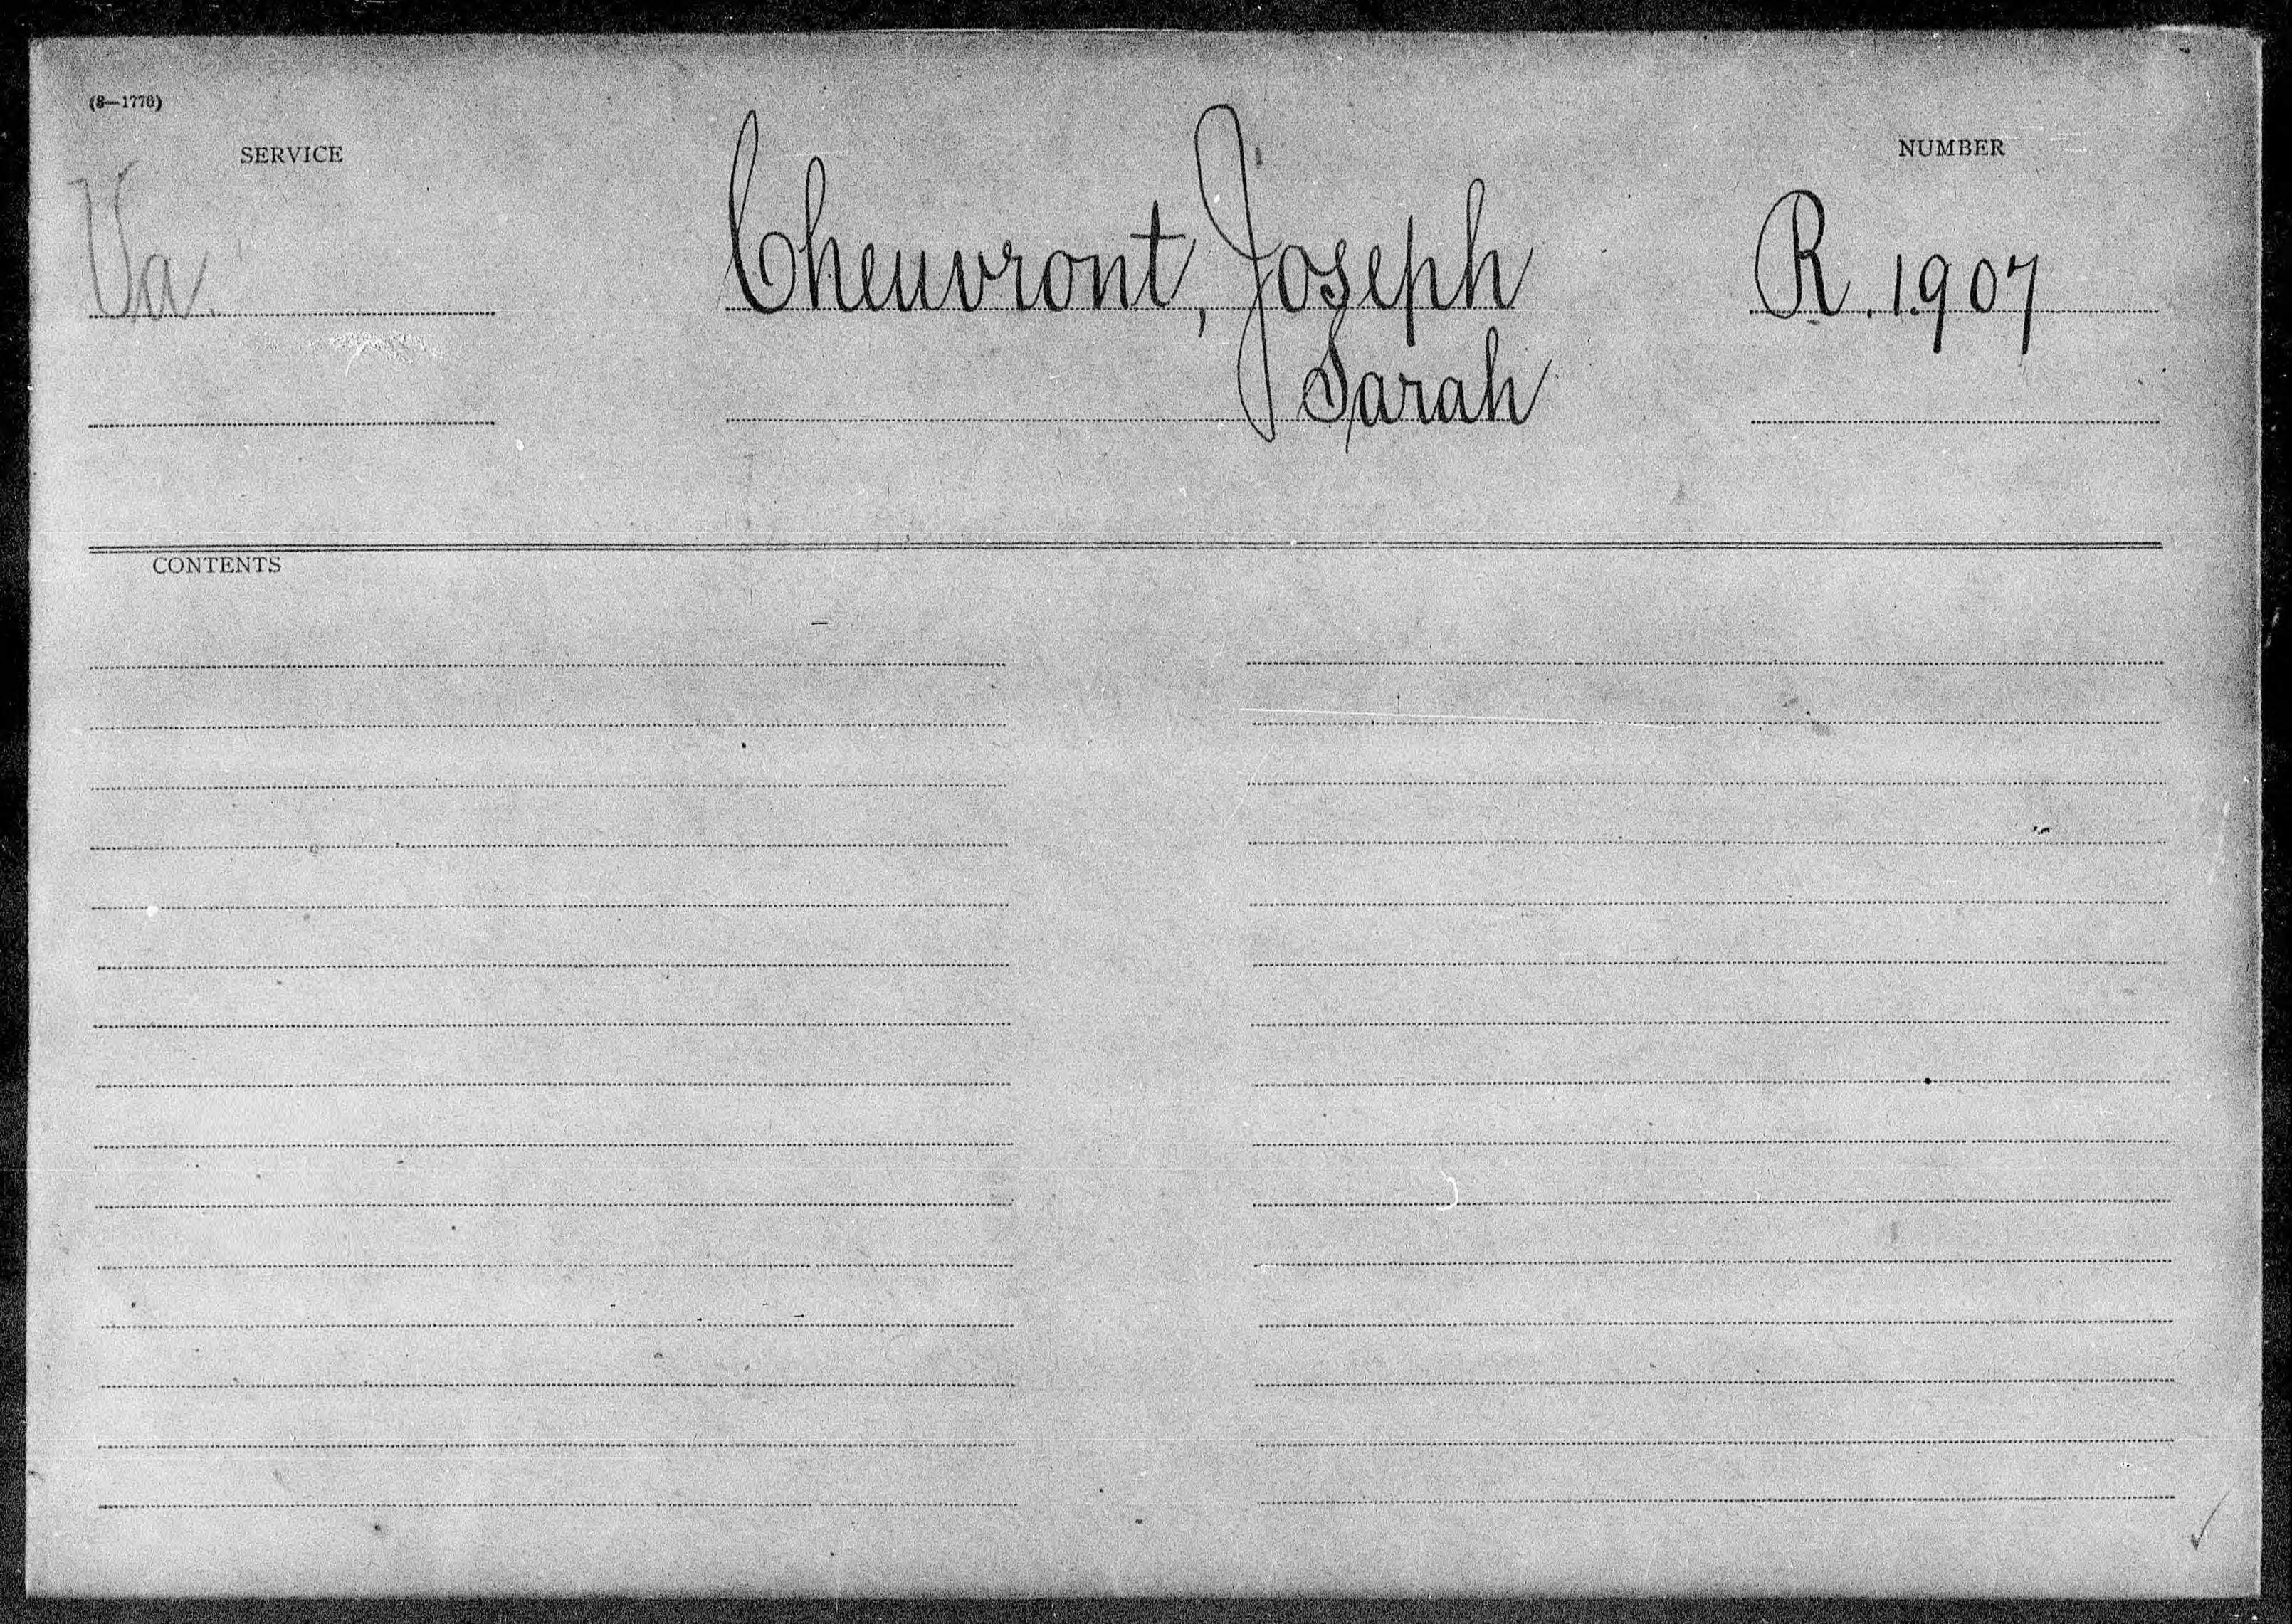SERVICE          
Va                                 Cheuvront, Joseph                                      R. 1907
                                                        Sarah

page: 1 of 21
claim: rejected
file: R. 1,907, Joseph Cheuvront, Va.